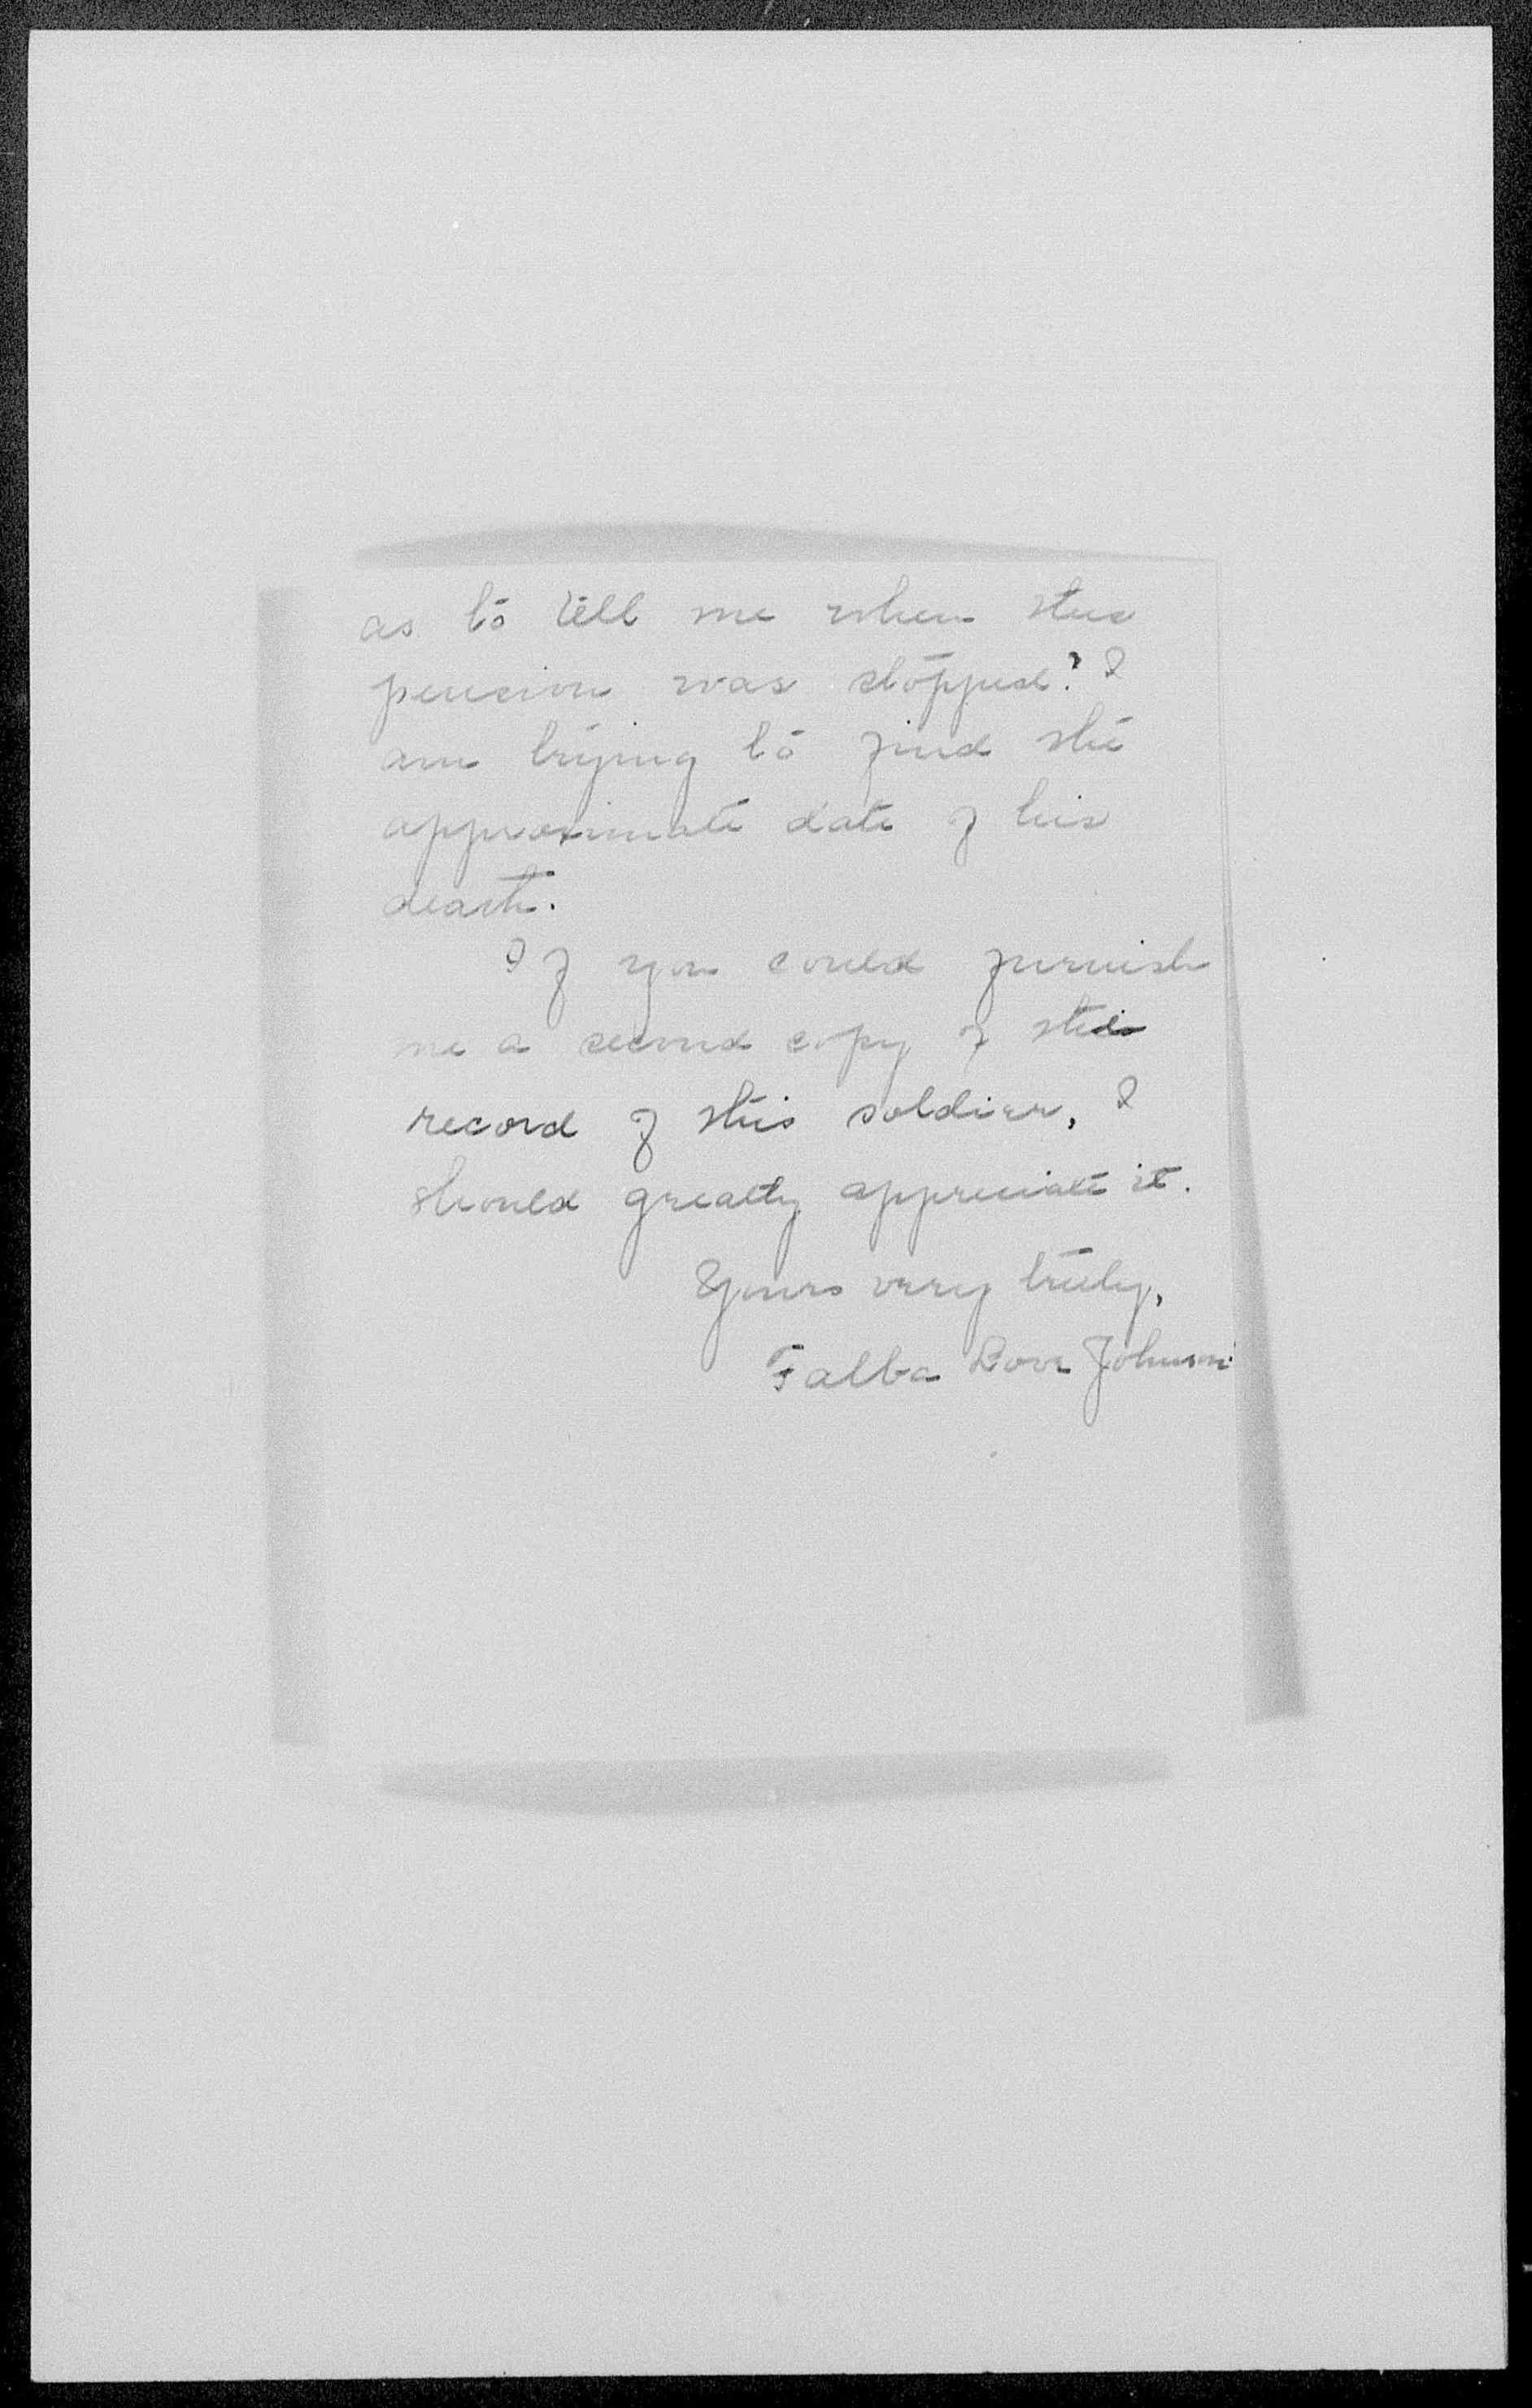as to tell me when the
pension was stopped? I 
am trying to find the
approximate date of his
death.

If you could furnish
me a second copy of the 
record of this soldier, I
should greatly appreciate it.

Yours very truly,
Falba Love Johnson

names: Falba Love Johnson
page: 29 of 35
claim: survivor's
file: S. 32092, Asa Alexander, Ga.